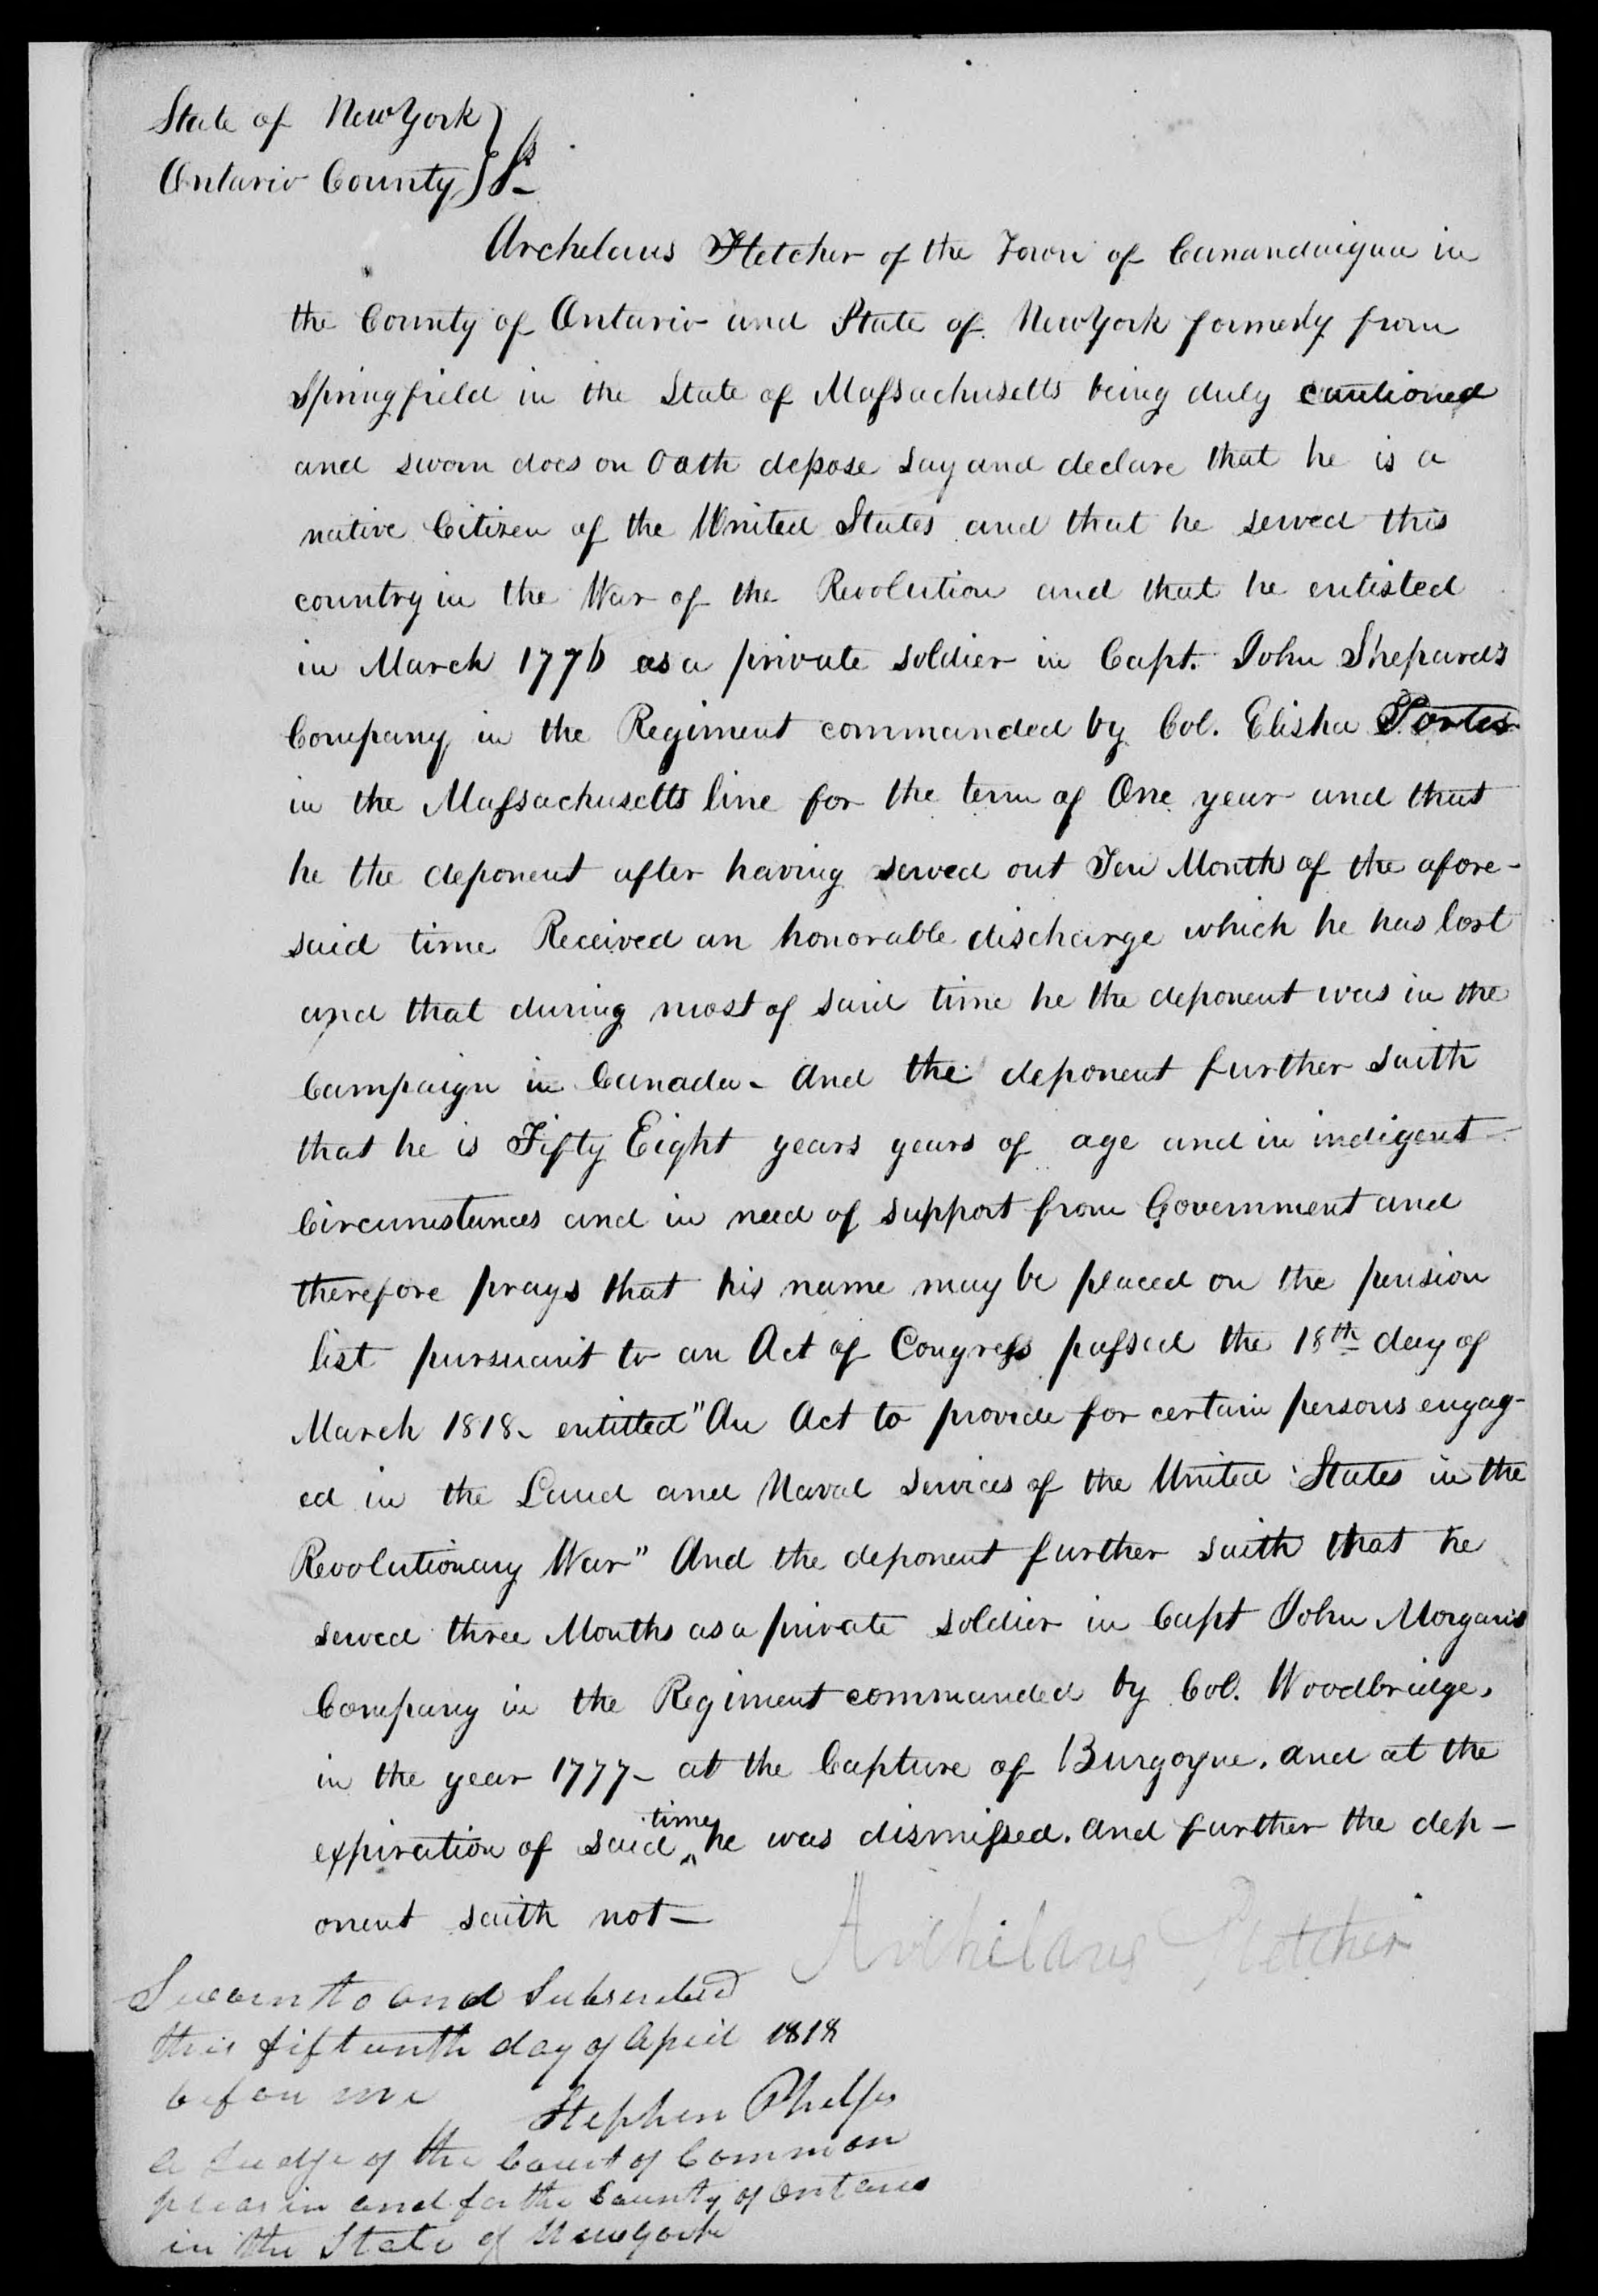State of New York
Ontario County} Ss.
Archelaus Fletcher of the Town of Canandaigua in the County of Ontario and State of New York formerly from Springfield in the State of Massachusetts being duly cautioned and sworn does on oath depose say and declare that he is a native citizen of the United States and that he served this country in the War of the Revolution and that he enlisted in March 1776 as a private soldier in Capt. John Shepards Company in the Regiment commanded by Col. Elisha Porter in the Massachusetts line for the term of One year and that he the deponent after having served out Ten Months of the aforesaid time Received an honorable discharge which he has lost and that during most of said time he the deponent was in the campaign in Canada. And the deponent further saith that he is Fifty Eight years years of age and in indigent circumstances and in need of support from Government and therefore prays that his name may be placed on the pension list pursuant to an Act of Congress passed the 18th day of March 1818 - entitled "An Act to provide for certain persons engaged in the Land and Naval Services of the United States in the Revolutionary War" And the deponent further saith that he served three months as a private soldier in Capt John Morgan's Company in the Regiment commanded by Col. Woodbridge, in the year 1777 - at the Capture of Burgoyne. And at the expiration of said time he was dismissed, and further the deponent saith not - [signed] Archelaus Fletcher
Sworn to and Subscribed this fifteenth day of April 1818 before me
[signed] Stephen Phelps
A Judge of the Court of Common Please in and for the County of Ontario in the State of New York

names: Archilaus Fletcher, Stephen Phelps, Woodbridge, Archelaus Fletcher, Elisha Porter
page: 4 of 18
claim: survivor's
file: S. 44822, Archelaus Fletcher, Mass.